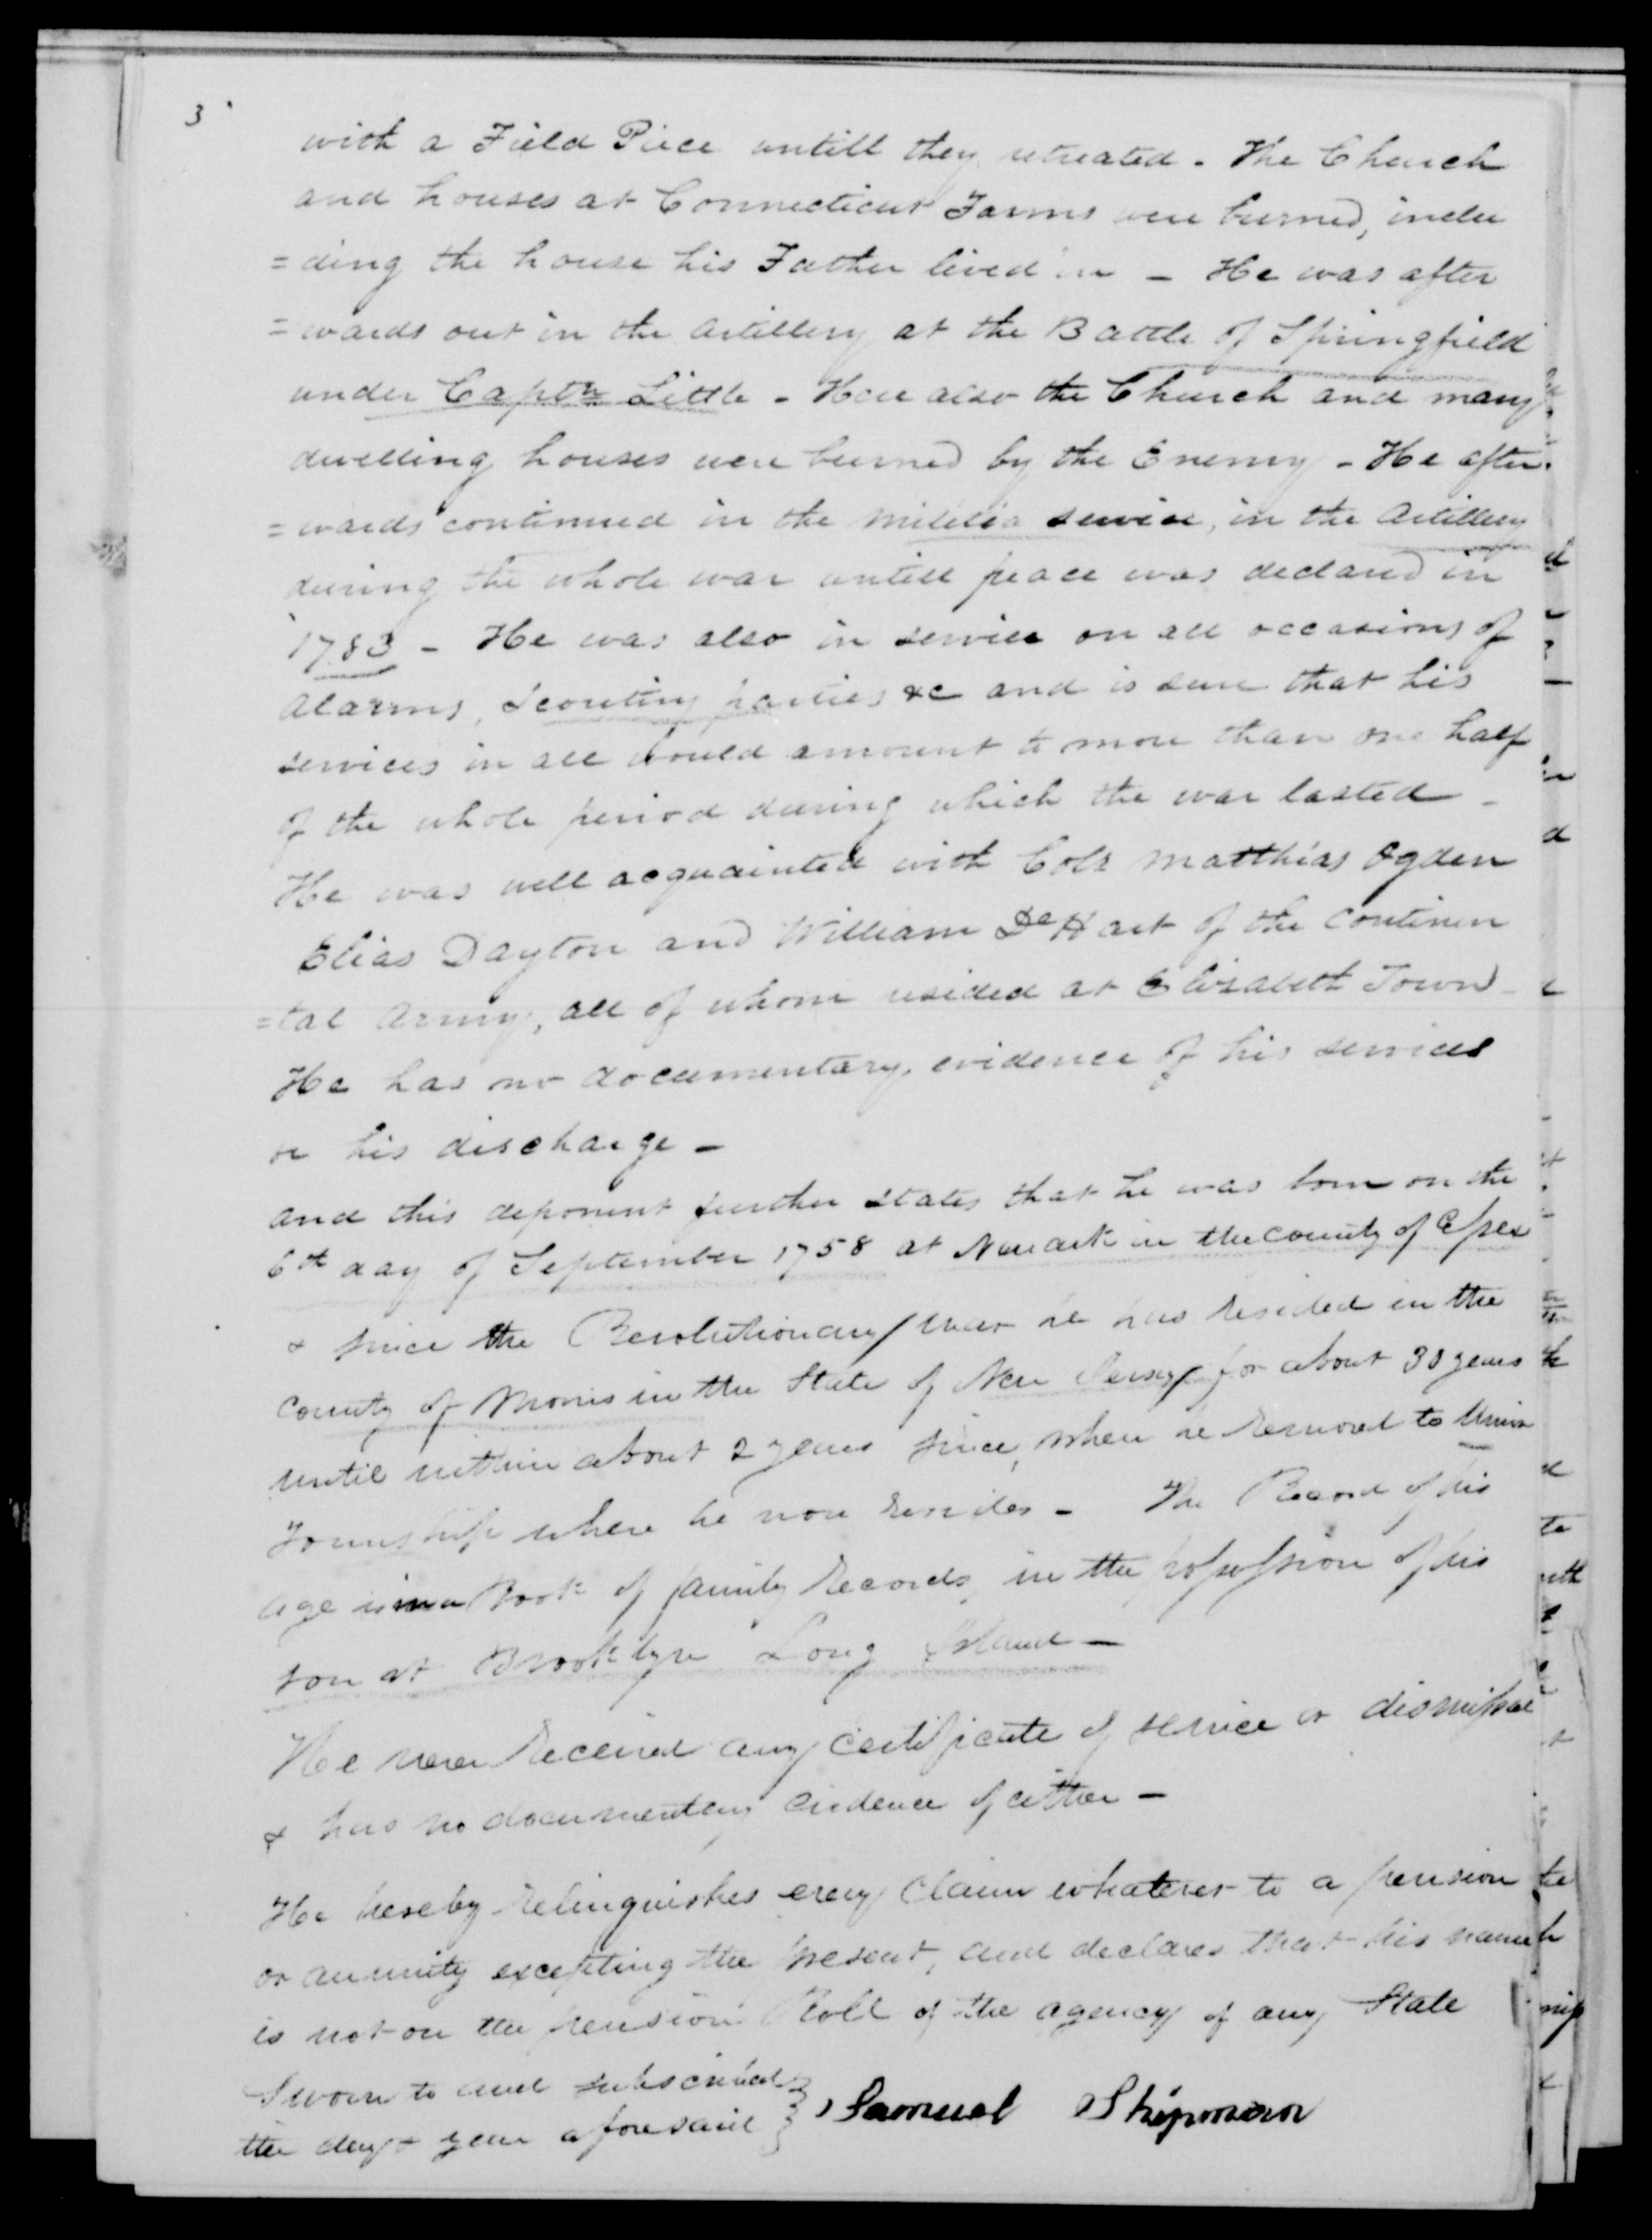with a Field Price until they rreated. The Church and houses at Connecticut Farms were burned, including the house his Father lived in - He was afterwards out in the artillery at the Battle of Springfield under Captn Little - Here also the Church and many dwelling houses were burned by the enemy - He afterwards continued in the militia service in the artillery during the whole war until peace was declared in 1783 - He was also in service on all occasions of alarms, scouting parties +c and is sure that his services in all should amount to more than one half of the whole period during which the war lasted. He was well acquainted with Cols. Matthias Ogden, Elias Dayton ad William DeHart of the Continental Army, all of whom resided at Elisabeth Town. He has no documentary evidence of his services or his discharge -
And this deponent further states that he was born on the 6th day of September 1758 at Newark in the County of Essex + since the Revolutionary war he has resided in the county of Morris in the State of New Jersey for about 30 years until within about 2 years since, when he removed to Union Township where he now resides - The Record of his age is in a book of family records in the possession of his son at Brooklyn Long Island -   He never received any certificate of service or dismissal + has no documentary evidence of either -
He hereby relinquishes every claim whatever to a pension or annuity excepting the present and declares that his name is not on the pension roll of the agency of any State. 
Sworn to and subscribed the day + year aforesaid} Samuel Shipman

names: Samuel Shipman; William De Hart; [BLANK] Little; Matthias Ogden; Elias Dayton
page: 9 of 44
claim: survivor's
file: S. 912, for Samuel Shipman, New Jersey